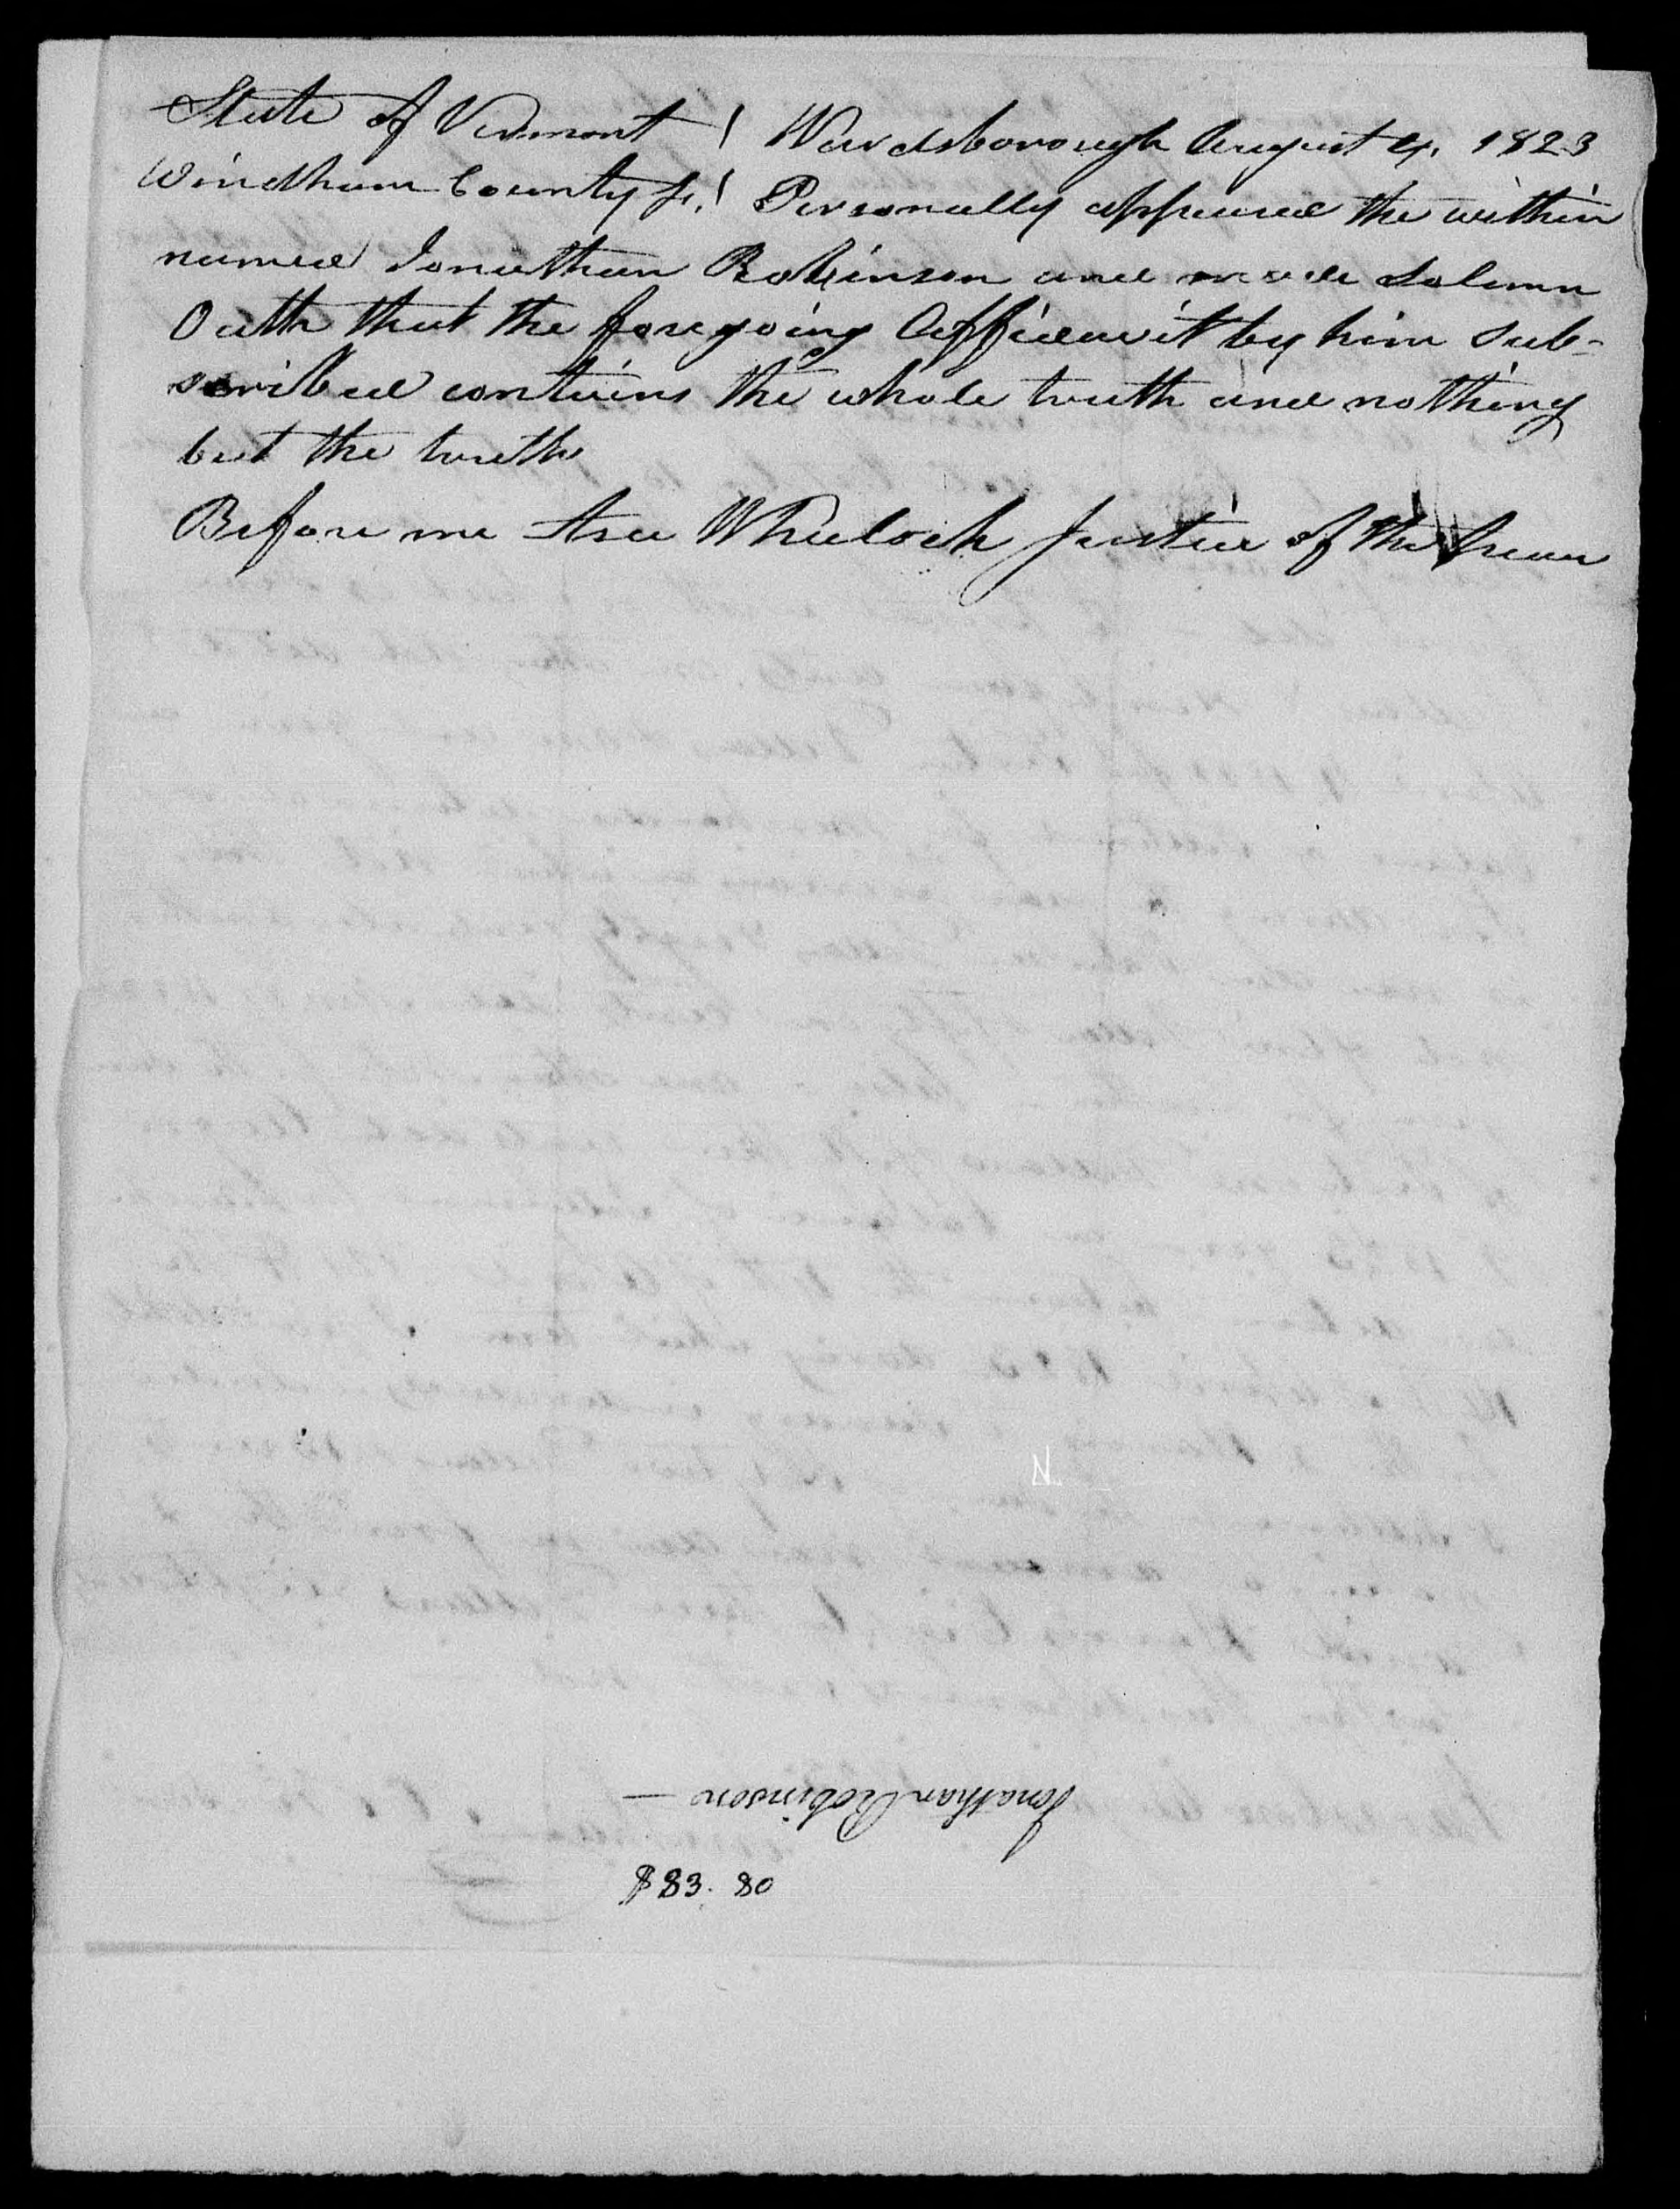State of Vermont Wardsborough August 9, 1823
Windham County ss.  Personally appeared the within named Johathan Robinson and made solemn oath that foregoing affidavit by him subscribed contains the whole truth and nothing but the truth.
Before me Asa Wheelock Justice of the Peace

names: Jonathan Robinson, Asa Wheelock, Jonathan Robinson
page: 59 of 68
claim: survivor's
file: S. 29,877, Daniel Harris, Mass.